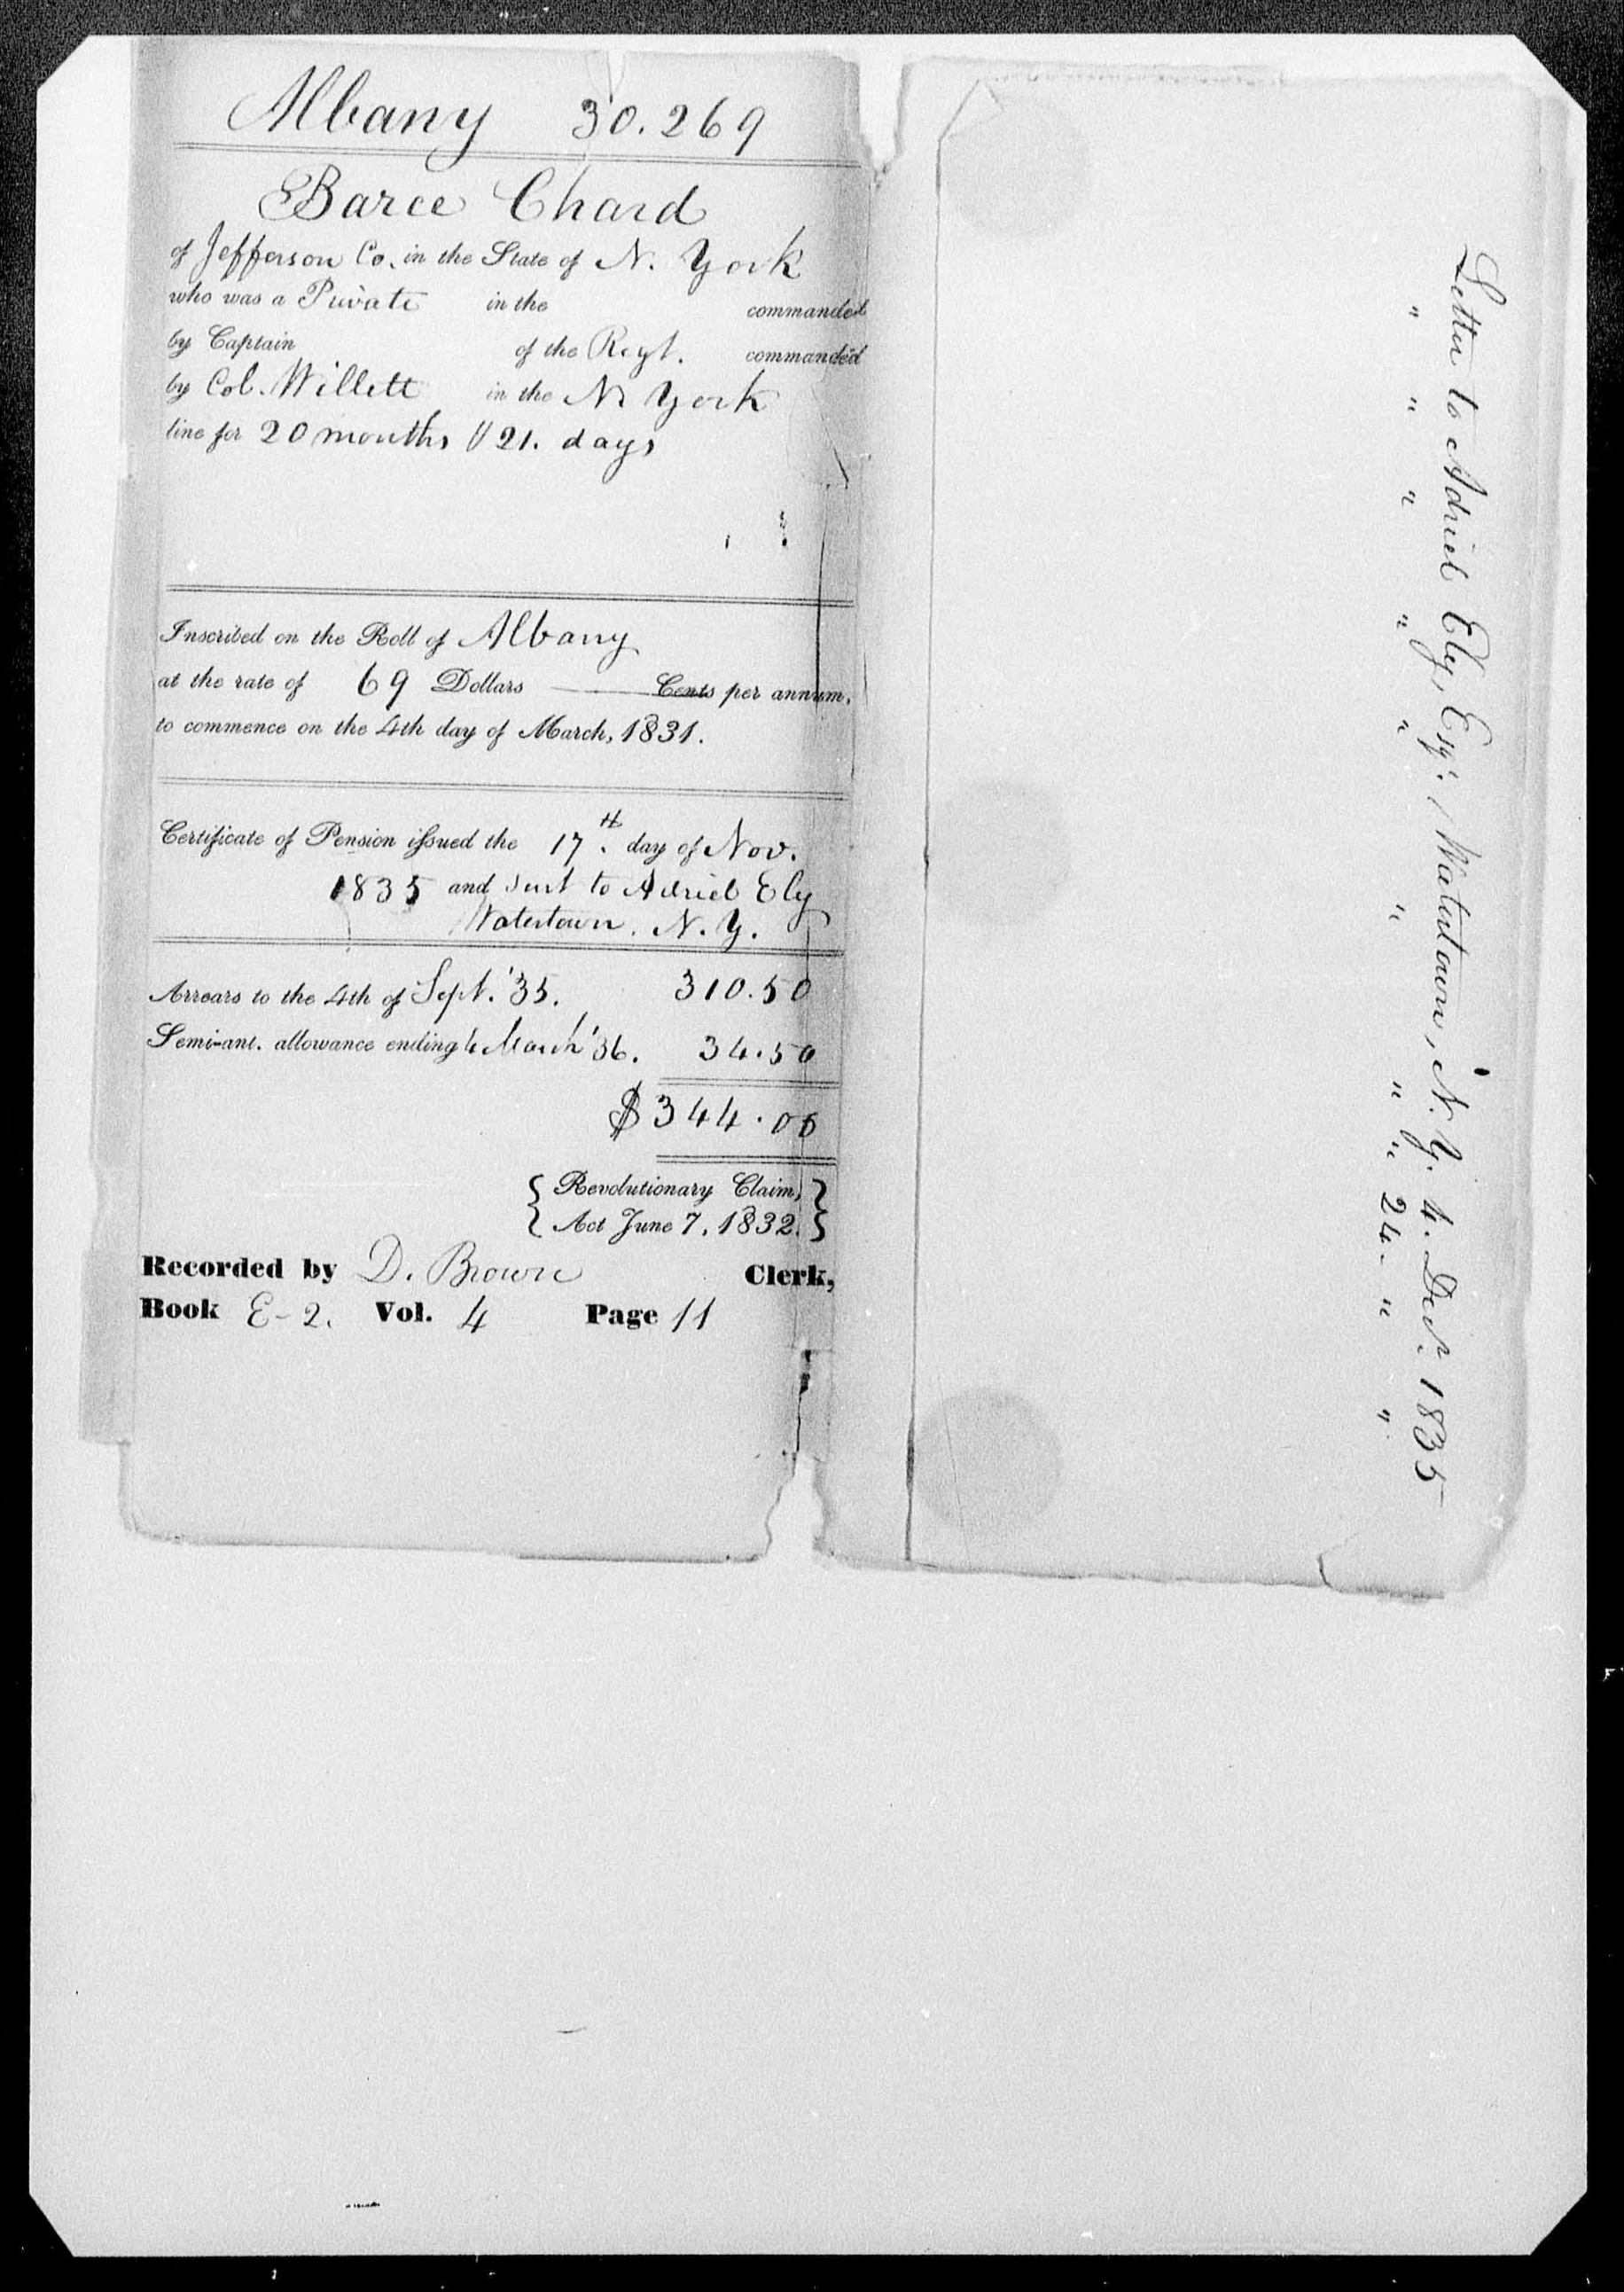Albany 30.269 
Barce Chard 
of Jefferson Co. in the State of N. York 
who was a Private in the [blank] commanded 
by Captain [blank] of the Regt. commanded
by Col. Willett. in the N. York 
line for 20 months & 21 days 

Inscribed on the Roll of Albany 
at the rate of 69 Dollars -- Cents per annum, 
to commence on the 4th day of March, 1831. 

Certificate of Pension issued the 17th day of Nov. 
1835 and sent to Adriel Ely Watertown, N.Y. 

Arrears to the 4th of Sept. '35. 	310.50 
Semi-anl. allowance ending 4 March '36. 	34.50 
[=] $344.00

{Revolutionary Claim,} 
{Act June 7, 1832.} 
Recorded by D. Brown Clerk,
Book E-2. Vol. 4 Page 11 

Crosswise: 
Letter to Adriel Ely, Esqr Watertown, N.Y. 4. Decr 1835 
"	"		"		"	24.    "       "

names: D Brown, Adriel Ely, Barce Chard, Willett, Adriel Ely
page: 2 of 47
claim: widow's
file: W. 10,602, Barce Chard, New York.